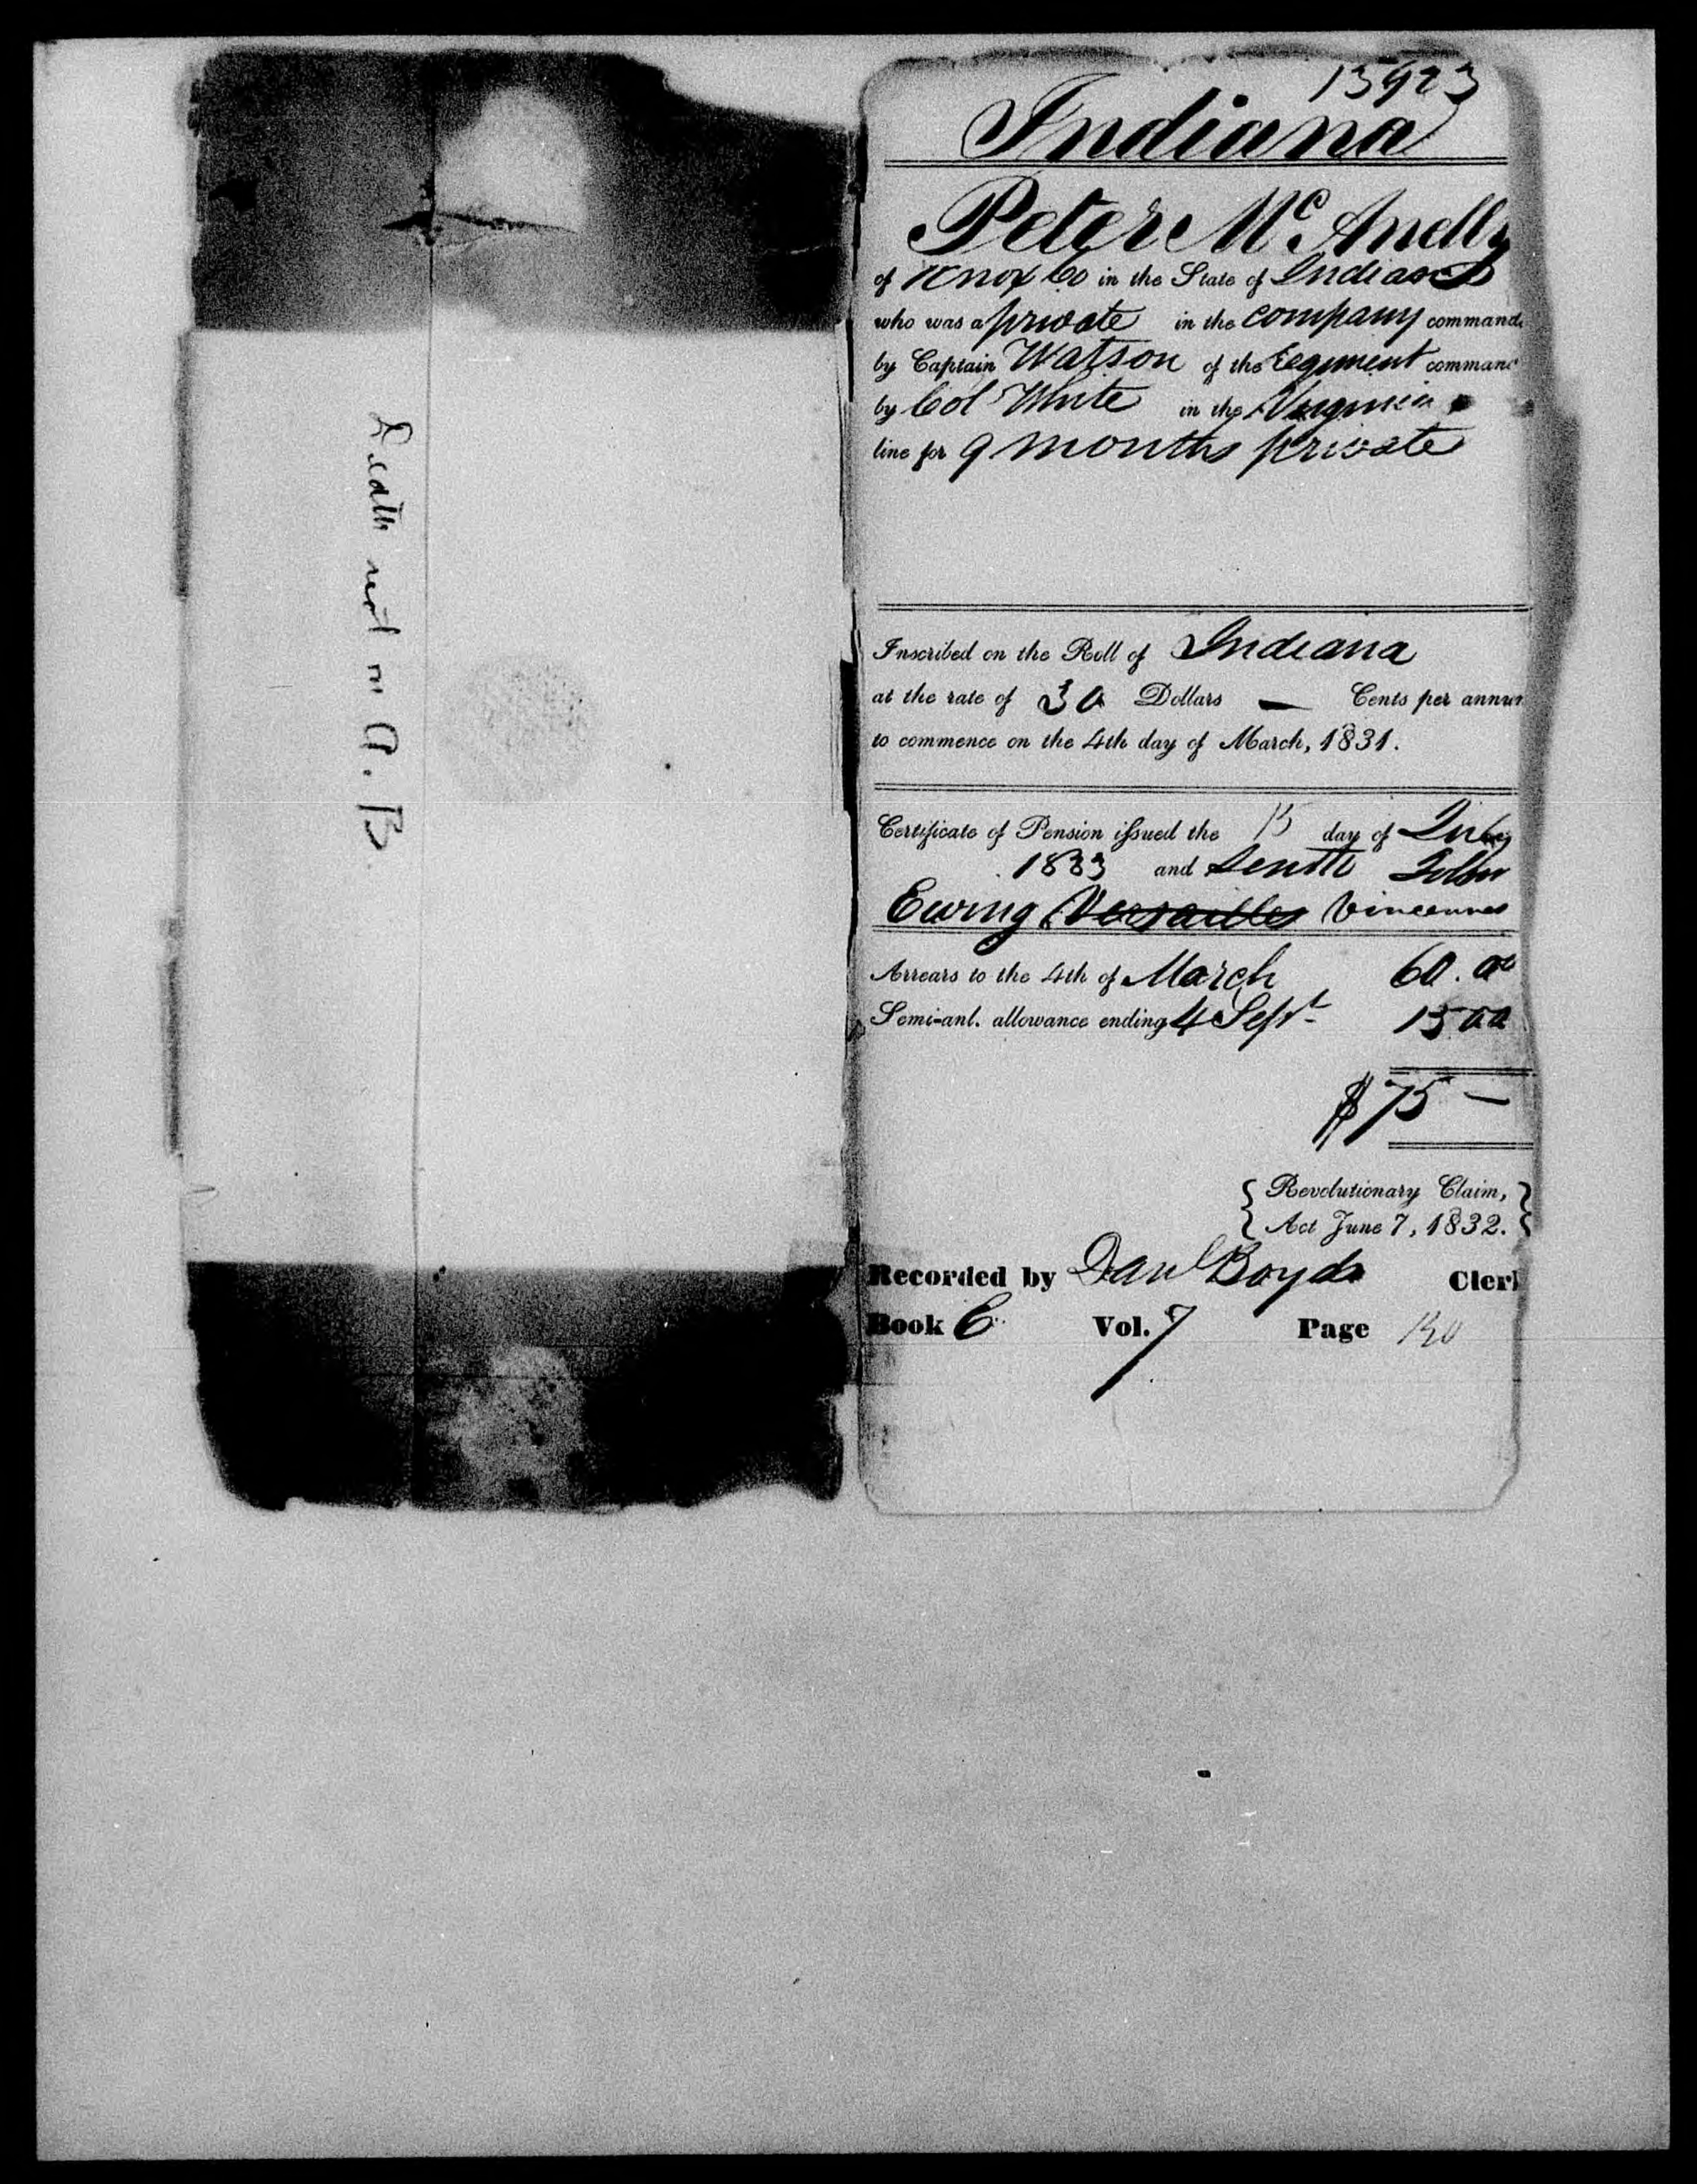(left side)
Death not on A.B

(right side)
15923
Indiana
Peter McAnelly
of Knox Co in the State of Indiana who was a private in the company commanded by Captain Watson of the regiment commanded by Col White in the Virginia line for 9 months private

Inscribed on the Roll of Indiana at the rate of 30 Dollars -- Cents per annum to commence on the 4th day of March, 1831.

Certificate of Pension issued the 15 day of July 1833 and sent to Jolson Ewing Vincennes

Arrears to the 4th of March  60.00
Semi=anl. allowance ending 4 Sept.  15.00
$75.00

Revolutionary Claim, Act June 7, 1832.

Recorded by Danl Boyd Clerk
Book E.  Vol. 7  Page 140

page: 2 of 19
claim: survivor's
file: S. 16467, for Peter Mc Anelly, Virginia